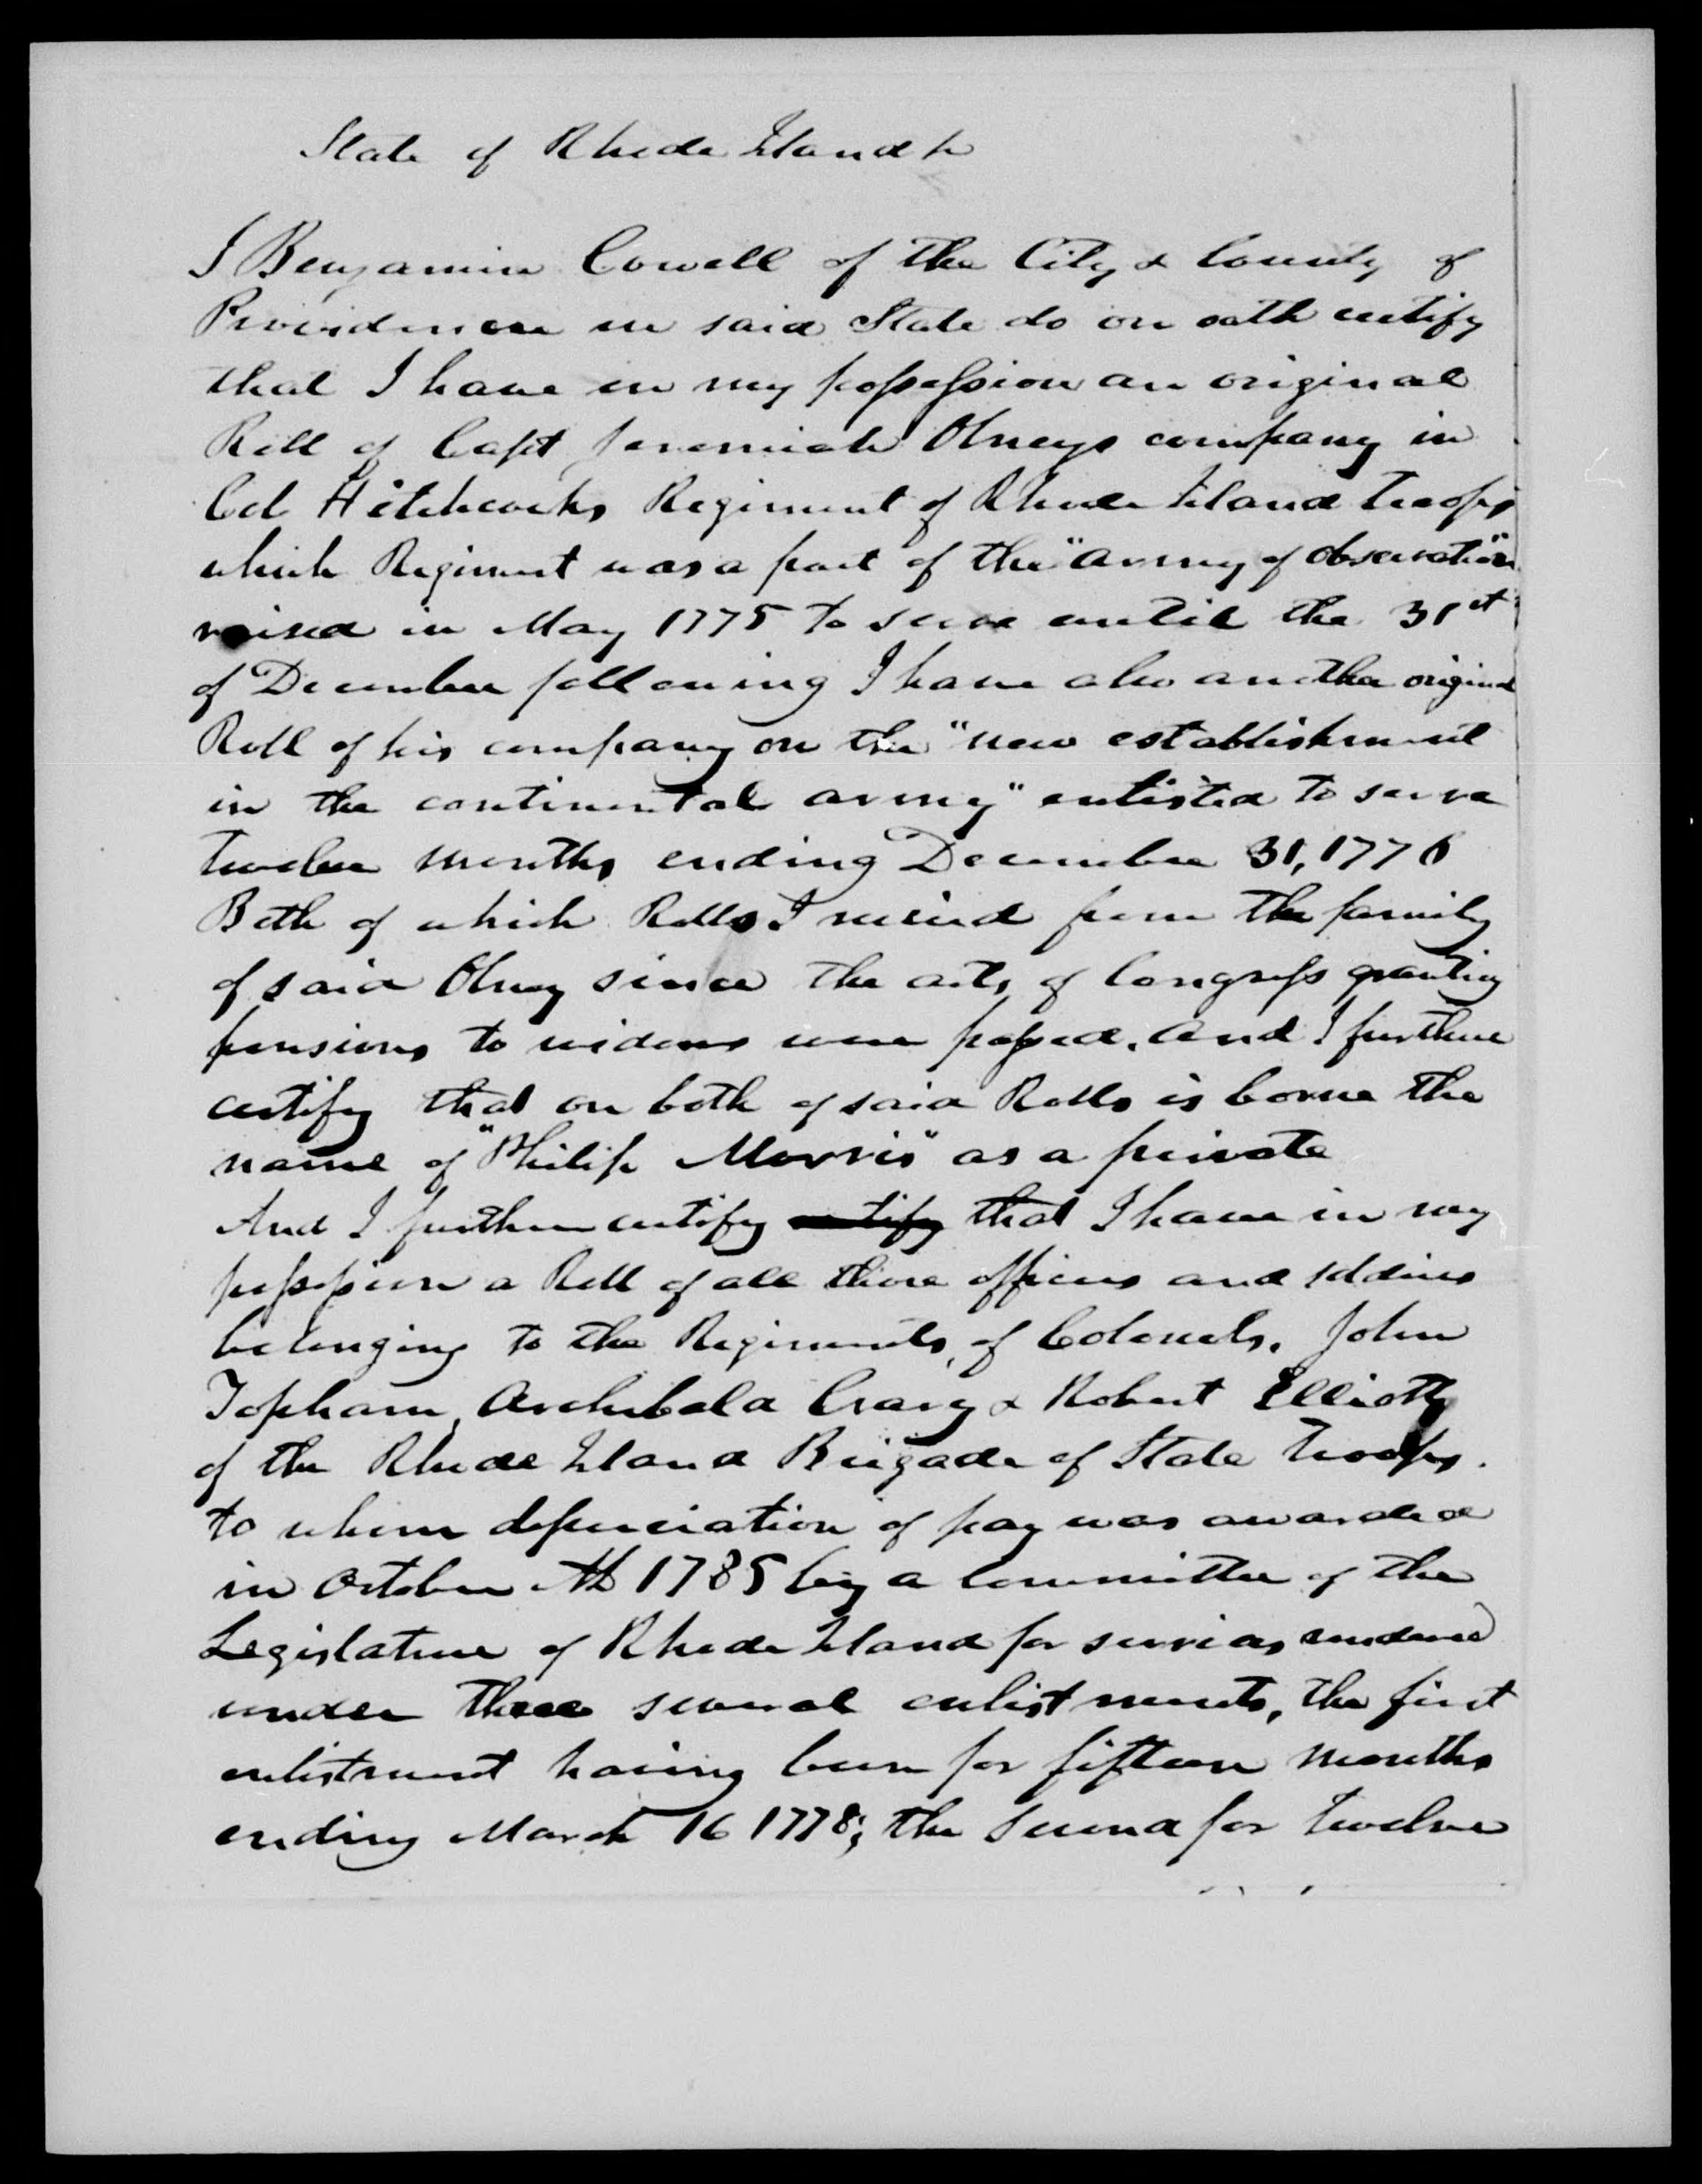State of Rhode Island
I Benjamin Cowell of the City & County of Providence in said State do on oath certify that I have in my possession an origin Roll of Capt. Jeremiah Olney's company in Col. Hitchcock's Regiment of Rhode Island [illegible] which Regiment was a part of the "Army of observation" raised in May 1775 to serve until the 31st of December following I have also another original Roll of his company on the New establishment in the continental army" enlisted to serve twelve months ending December 31, 1776  Both of which Rolls I received from the family of said Olney since the acts of Congress granting pensions to widows were [illegible] and I further certify that on both of said Rolls is borne the name of "Philip Morris" as a private.
And I further certify that I have in my possession a Roll of all those officers and soldiers belonging to the Regiments, of Colonels, John Topham, Archibald Crary & Robert Elliott of the Rhode Island Brigade of State Troops to whom declaration of May was awarded in October 4th 1785 by a committee of the Legislature of Rhode Island for service as soldiers under these seasonal enlistments, the first enlistment having been for fifteen months ending March 16 1778, the second for twelve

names: [BLANK] Olney; Robert Elliott; Benjamin Cowell; Archibald Crary; John Topham; Philip Morris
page: 26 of 44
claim: survivor's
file: S. 28,815, for Philip Morris, Rhode Island